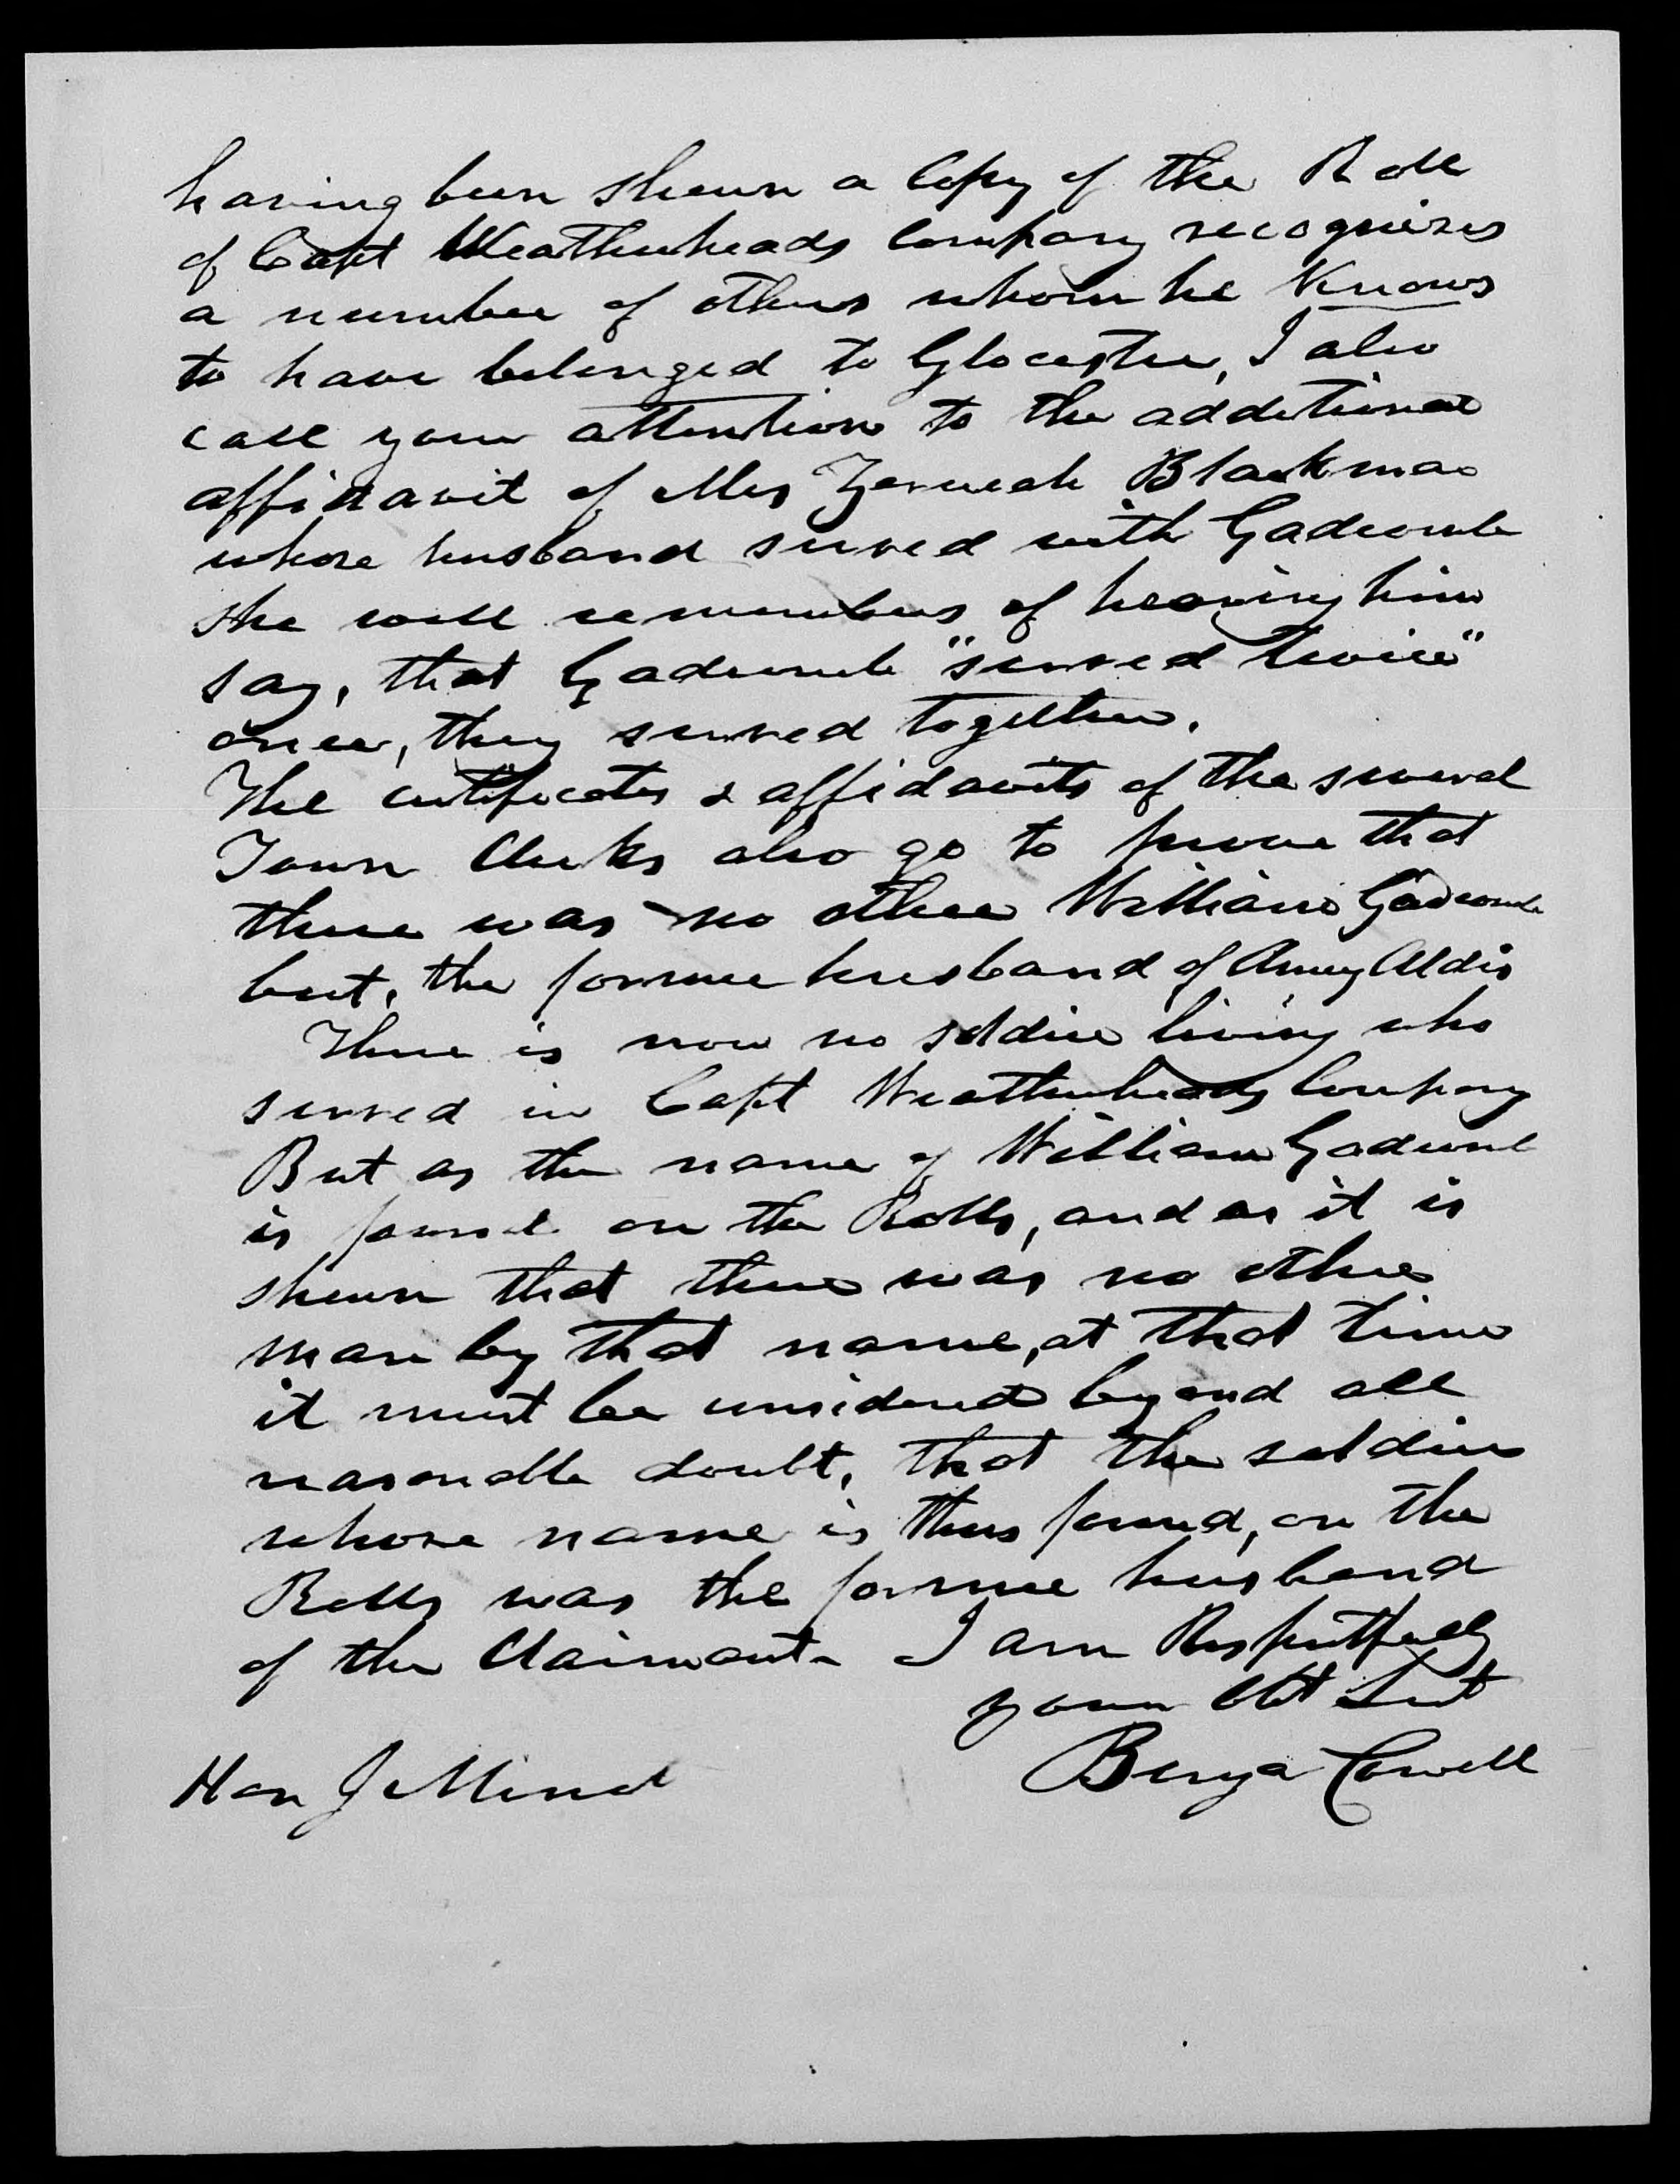having been shown a copy of the Roll of Capt Weatherheads company recognizes a number of others whom he knows to have belonged to Glocester, I also call your attention to the additional affidavits of Mrs Zerucah Blackman whose husband served with Gadcomb. She well remembers of hearing him say, that Gadcomb "served twice" once, they served together. The certificates & affidavits of the several Town Clerks also go to prove that there was not other William Gadcomb but, the former husband of Amey Aldis. There is now no soldier living who served in Capt. Weatherhead's Company But as the name of William Godcomb is found on the Rolls, and as it is shewn that there was no other man by that name, at that time it must be considered beyond all reasonable doubt, that the soldier whose name is thus found on the Rolls was the former husband of the Claimant. I am respectfully your obt. servt. Benja Cowell 
Hon J. Minot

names: Amey Aldis, Zerucah Blackmar, Benja Cowell, William Gadcomb, Gadcomb, J Minot, Gadcomb, William Gadcomb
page: 31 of 76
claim: widow's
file: W. 15,517, William Gadcomb, R.I.